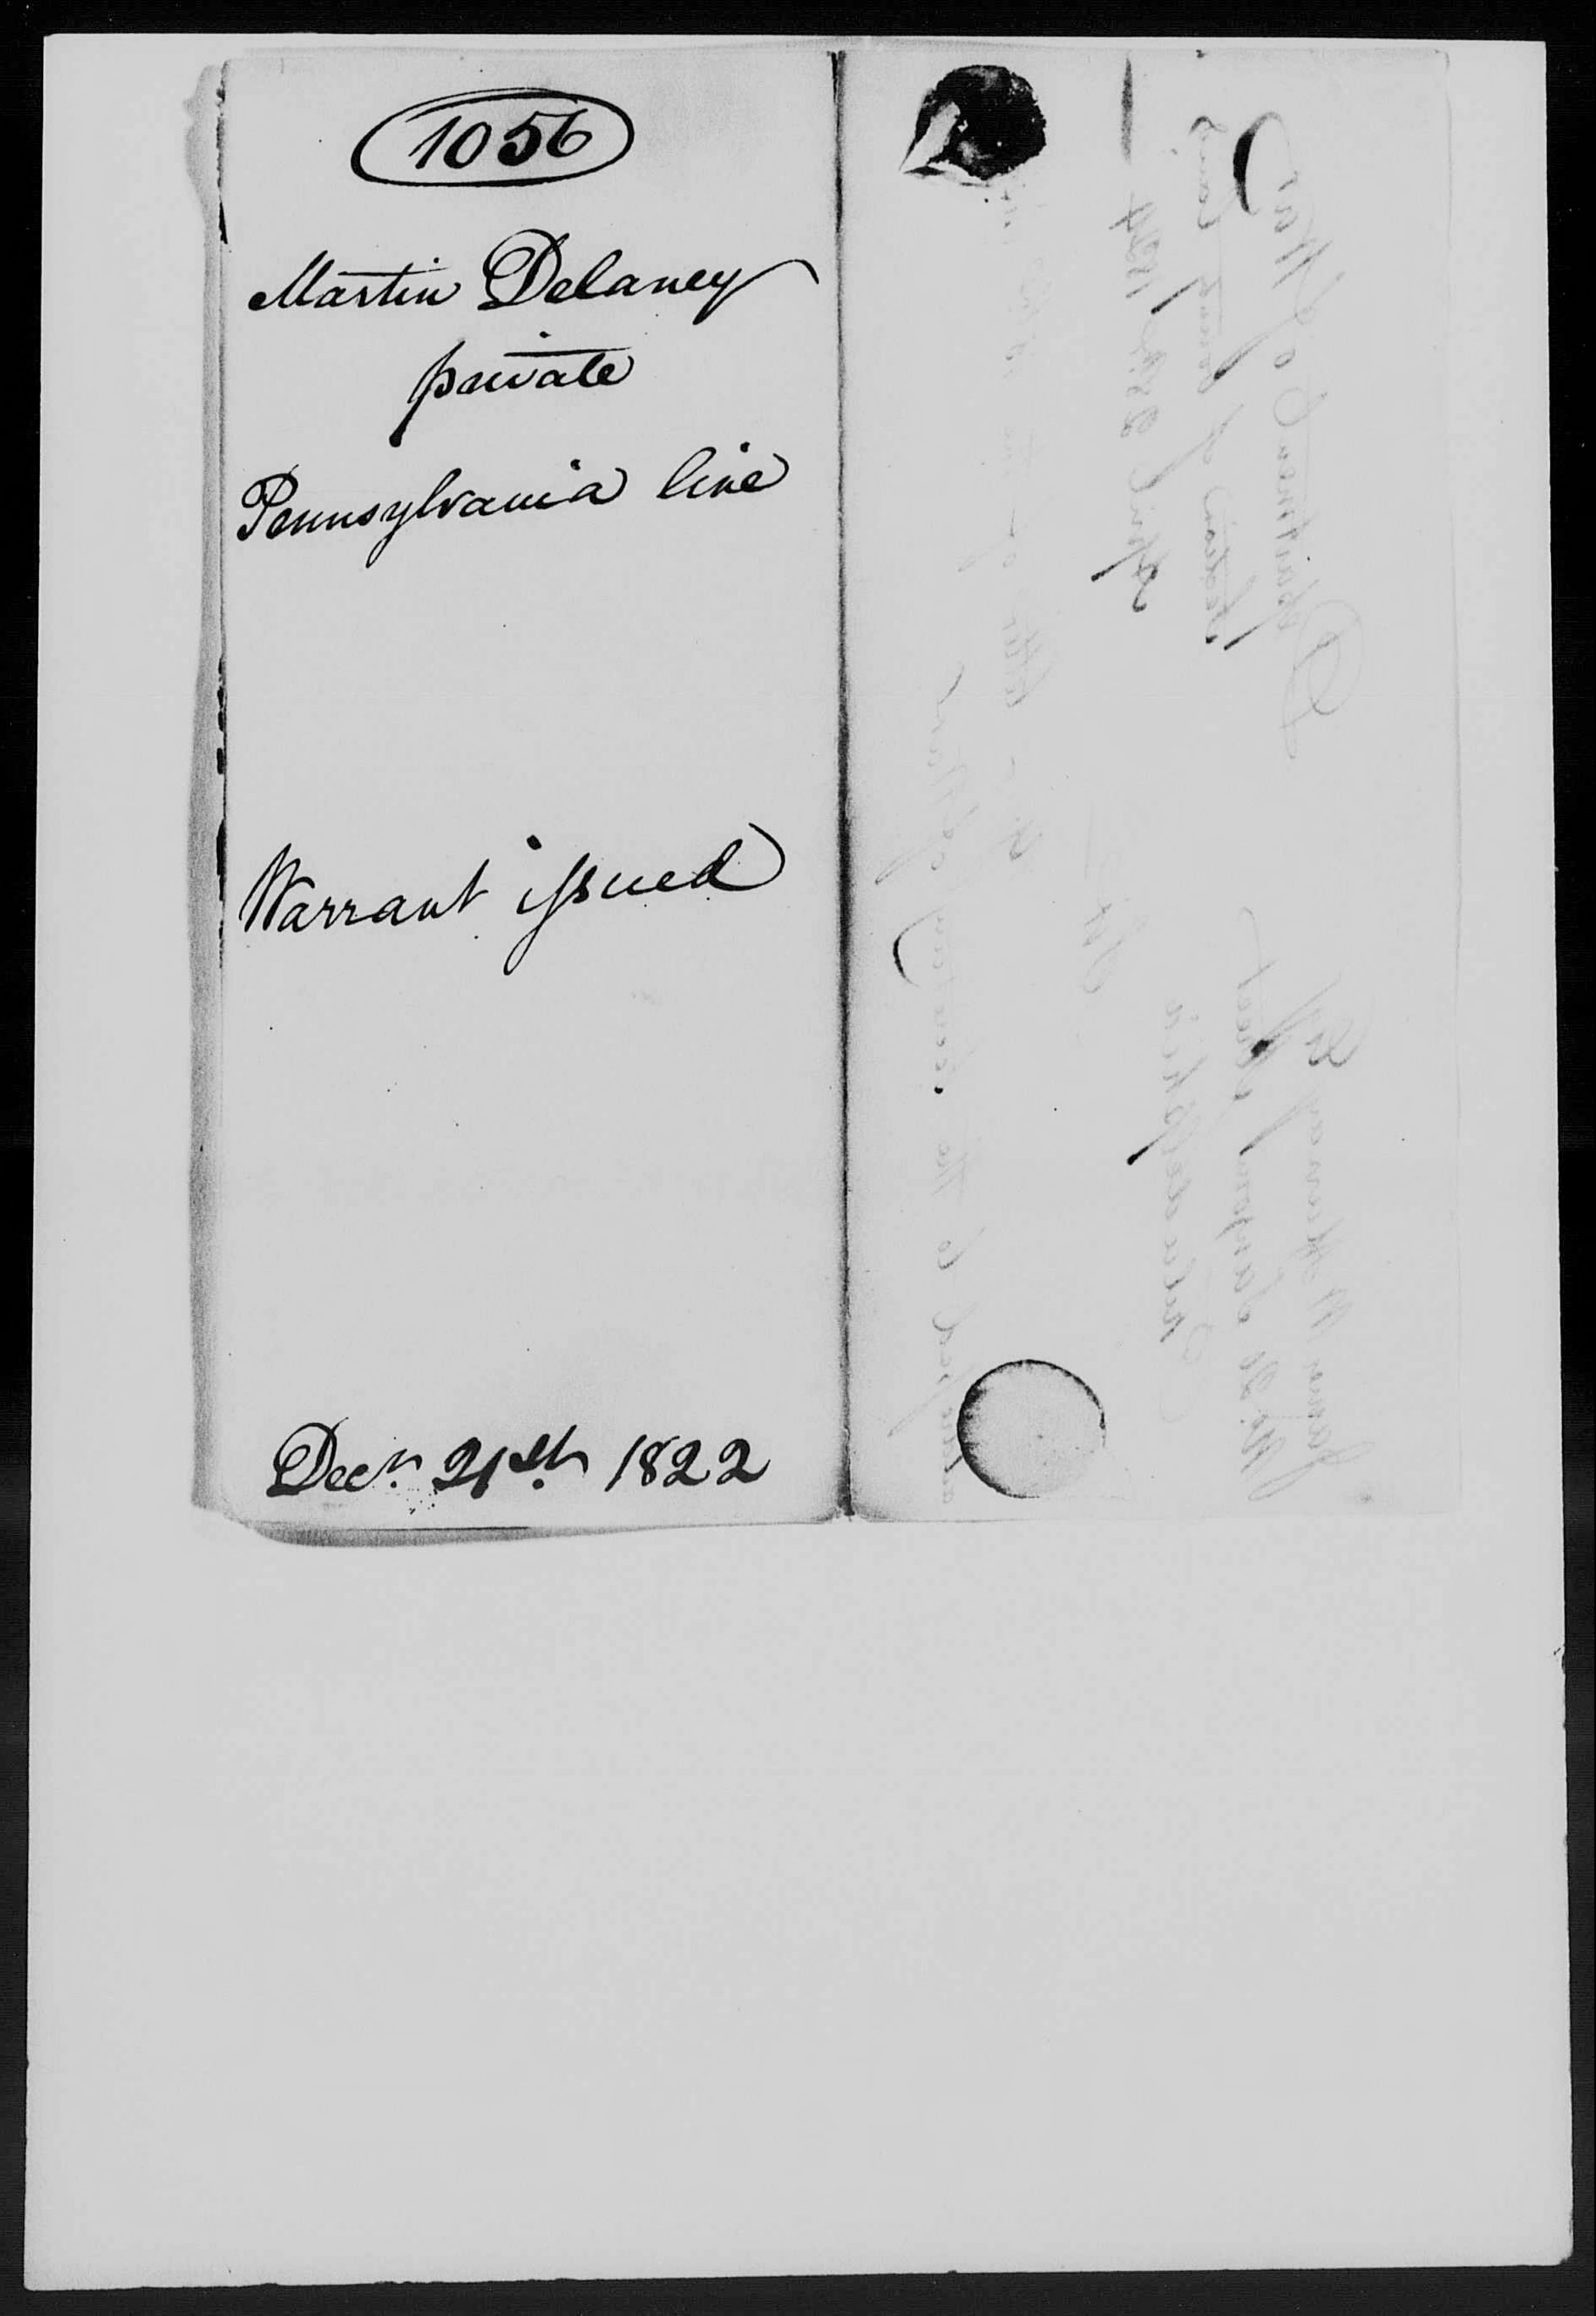1056
Martin Delaney
private
Pennsylvania line

Warrant Issued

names: Martin Delaney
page: 3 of 22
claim: survivor's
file: S. 3,9425, Martin Delany, Penn.